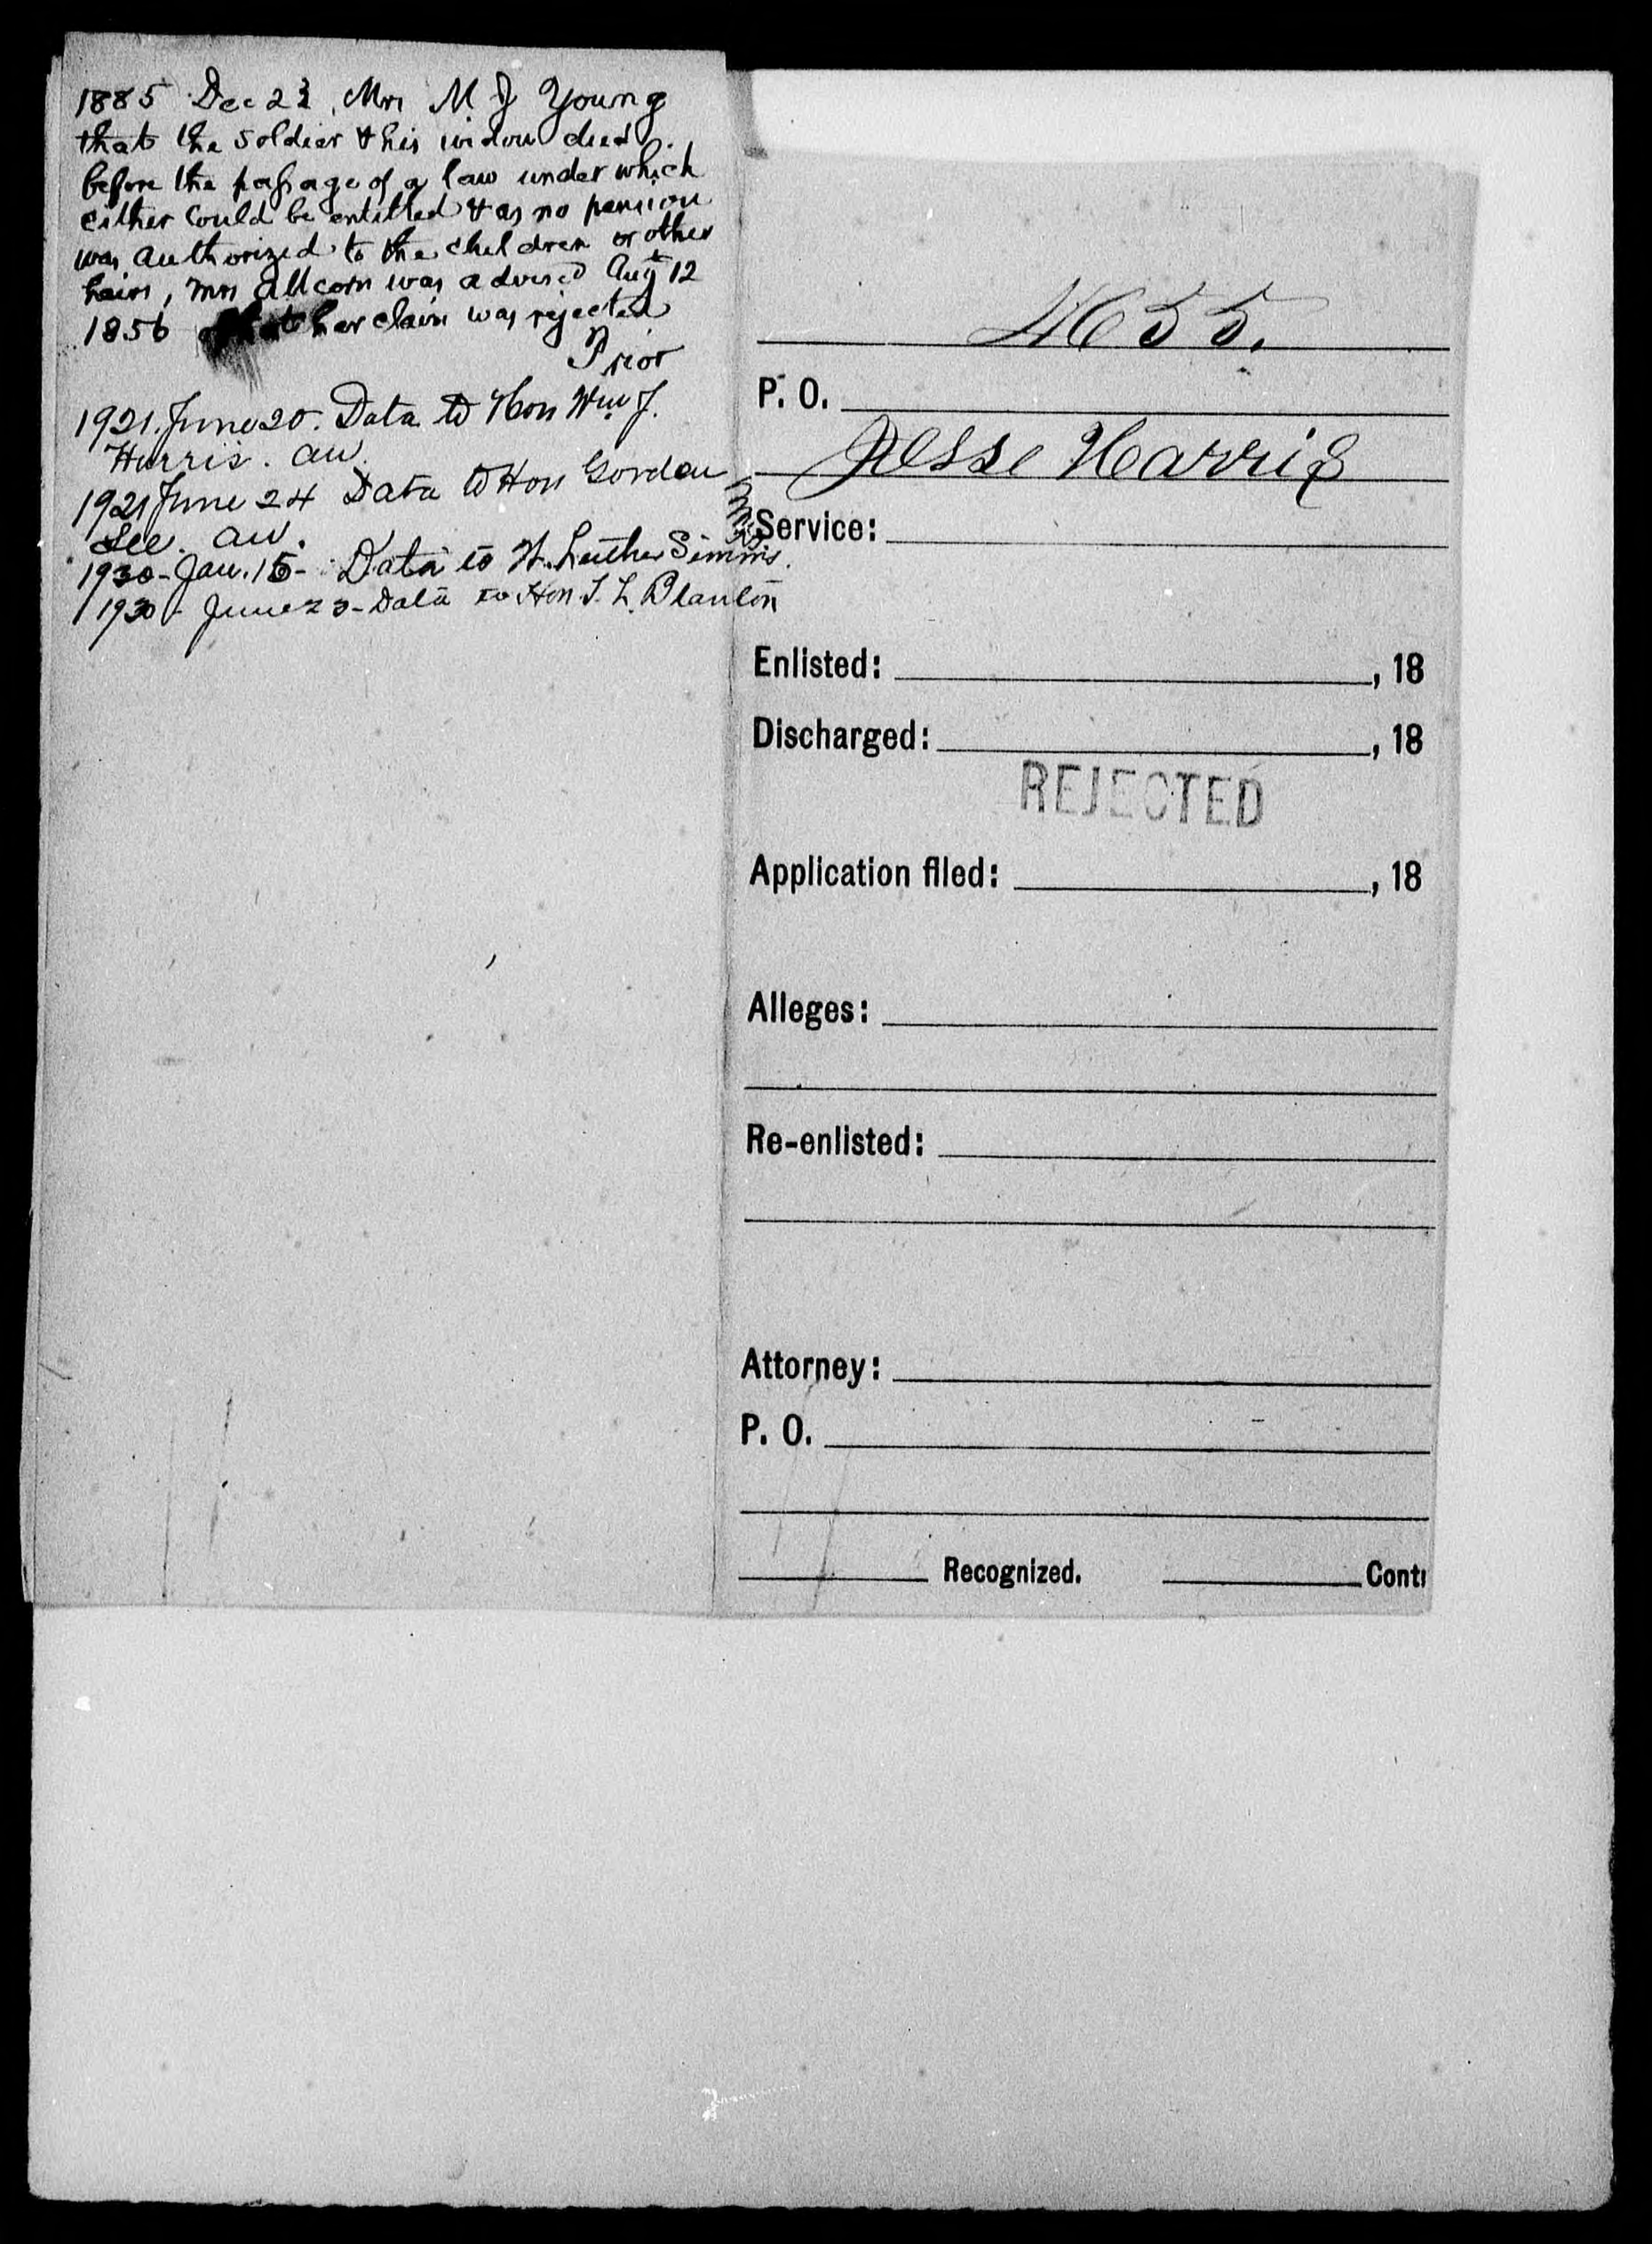1885 Dec 22, Mr. M.J. Young that the soldier this & his widow died before the passage of a law under which either could be entitled to [illegible] pension was authorized to the children or other heir, Mrs. Allcorn was a [illegible]Aug 12th 1856 [illegible] her claim was rejected
1921 June 20 Data to Mr. J  AW
1921 June 24 Data to Hon Gordon Lee AW
1930 Jan 15- Data to Mr. Luther Simms
1930 June 20- data do Hon J. L. Blanton
4655
P.O. Jesse Harris
Service:_____________
Enlisted:_____________,18
Discharged:___________, 18
REJECTED
Application filed:_________, 18
Alleges:
Re-enlisted:
Attorney:
P.O.
Recognized.  _______________Contr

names: T L Blanton, Wm J Harris, Jesse Harris, Allcorn, W Luther Simms, Gordon Lee, M J Young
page: 17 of 32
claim: rejected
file: R. 4655, Jesse Harris, N.C.